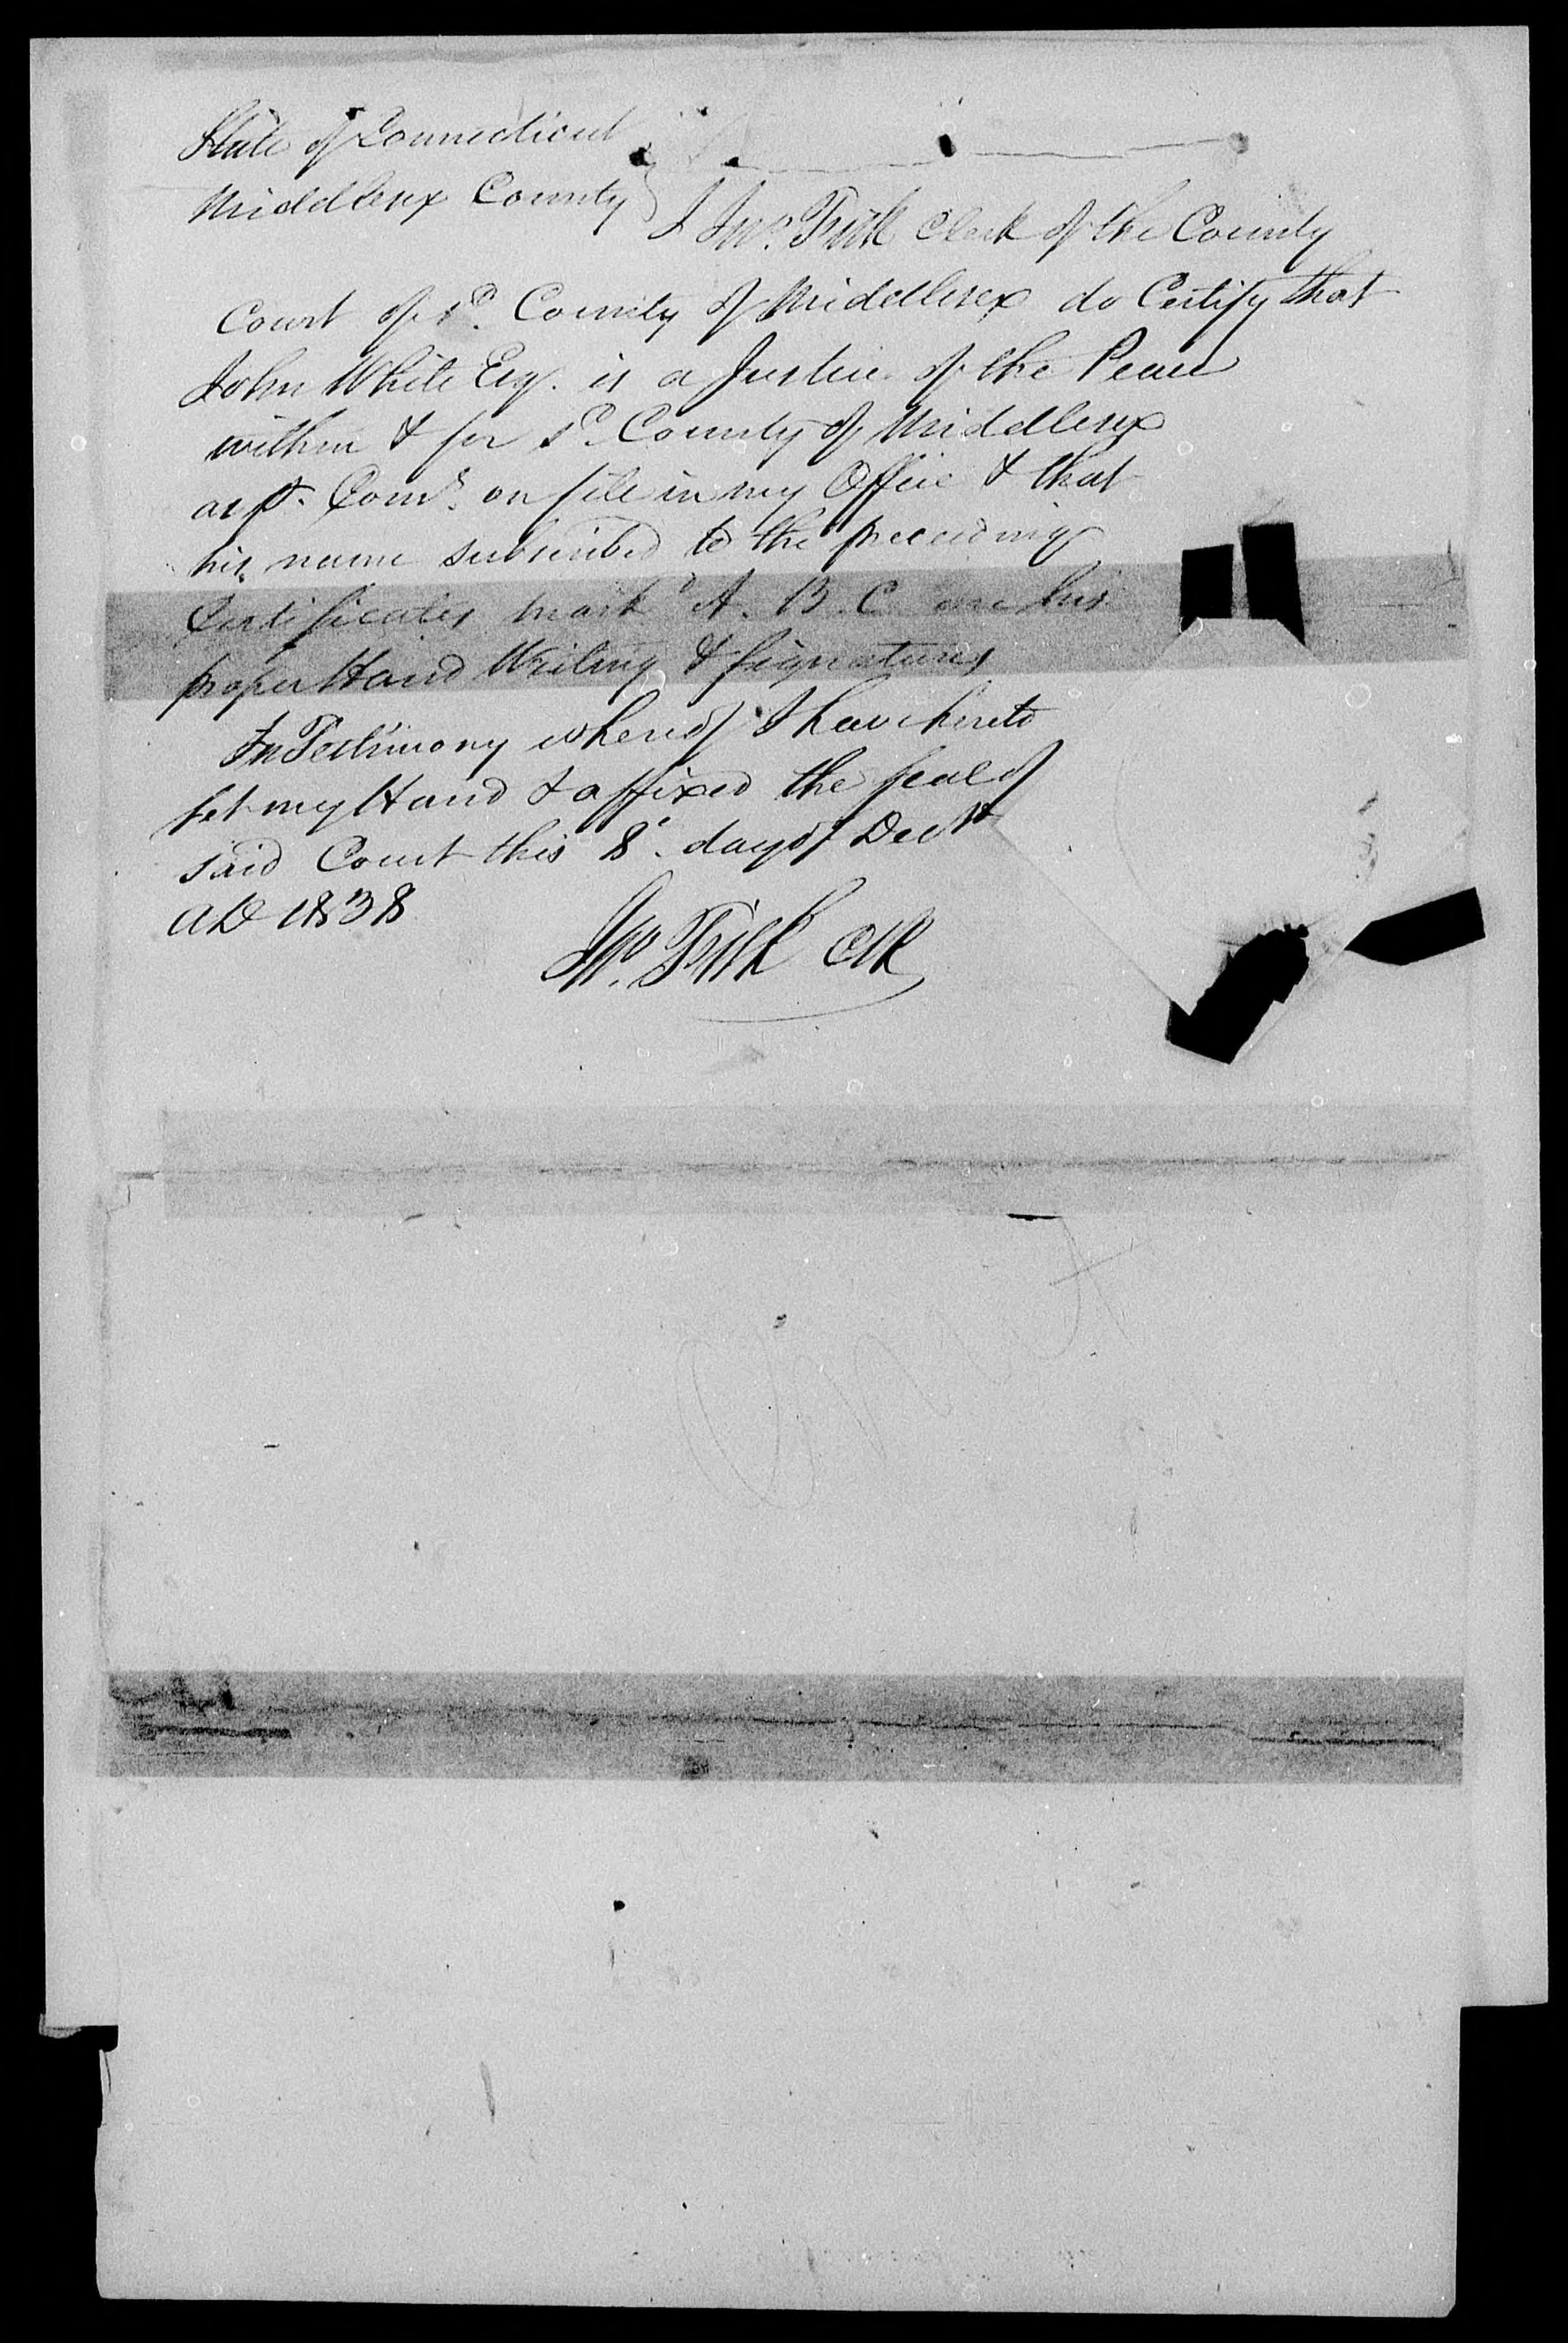State of Connecticut
Middlesex County
I Jn. Fisk Clerk of the County Court of sd County of Middlesex do Certify that John White Esq. is a Justice of the Peace within & for sd County of Middlesex as [Illegible] Connt. on file in my Office & that his name subscribed to the preceeding Certificates markd A. B. C. are his proper Hand Writing & signatures 

In Testimony whereof I have hereto
Set my Hand & affixed the Seal of
Said Court this 8th day of Decr
AD 1838

Jn. Fisk Clk

[At right, square piece of paper with circular image appears to be affixed over ribbons]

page: 12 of 47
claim: widow's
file: W. 17879, for Seth Strong, Connecticut